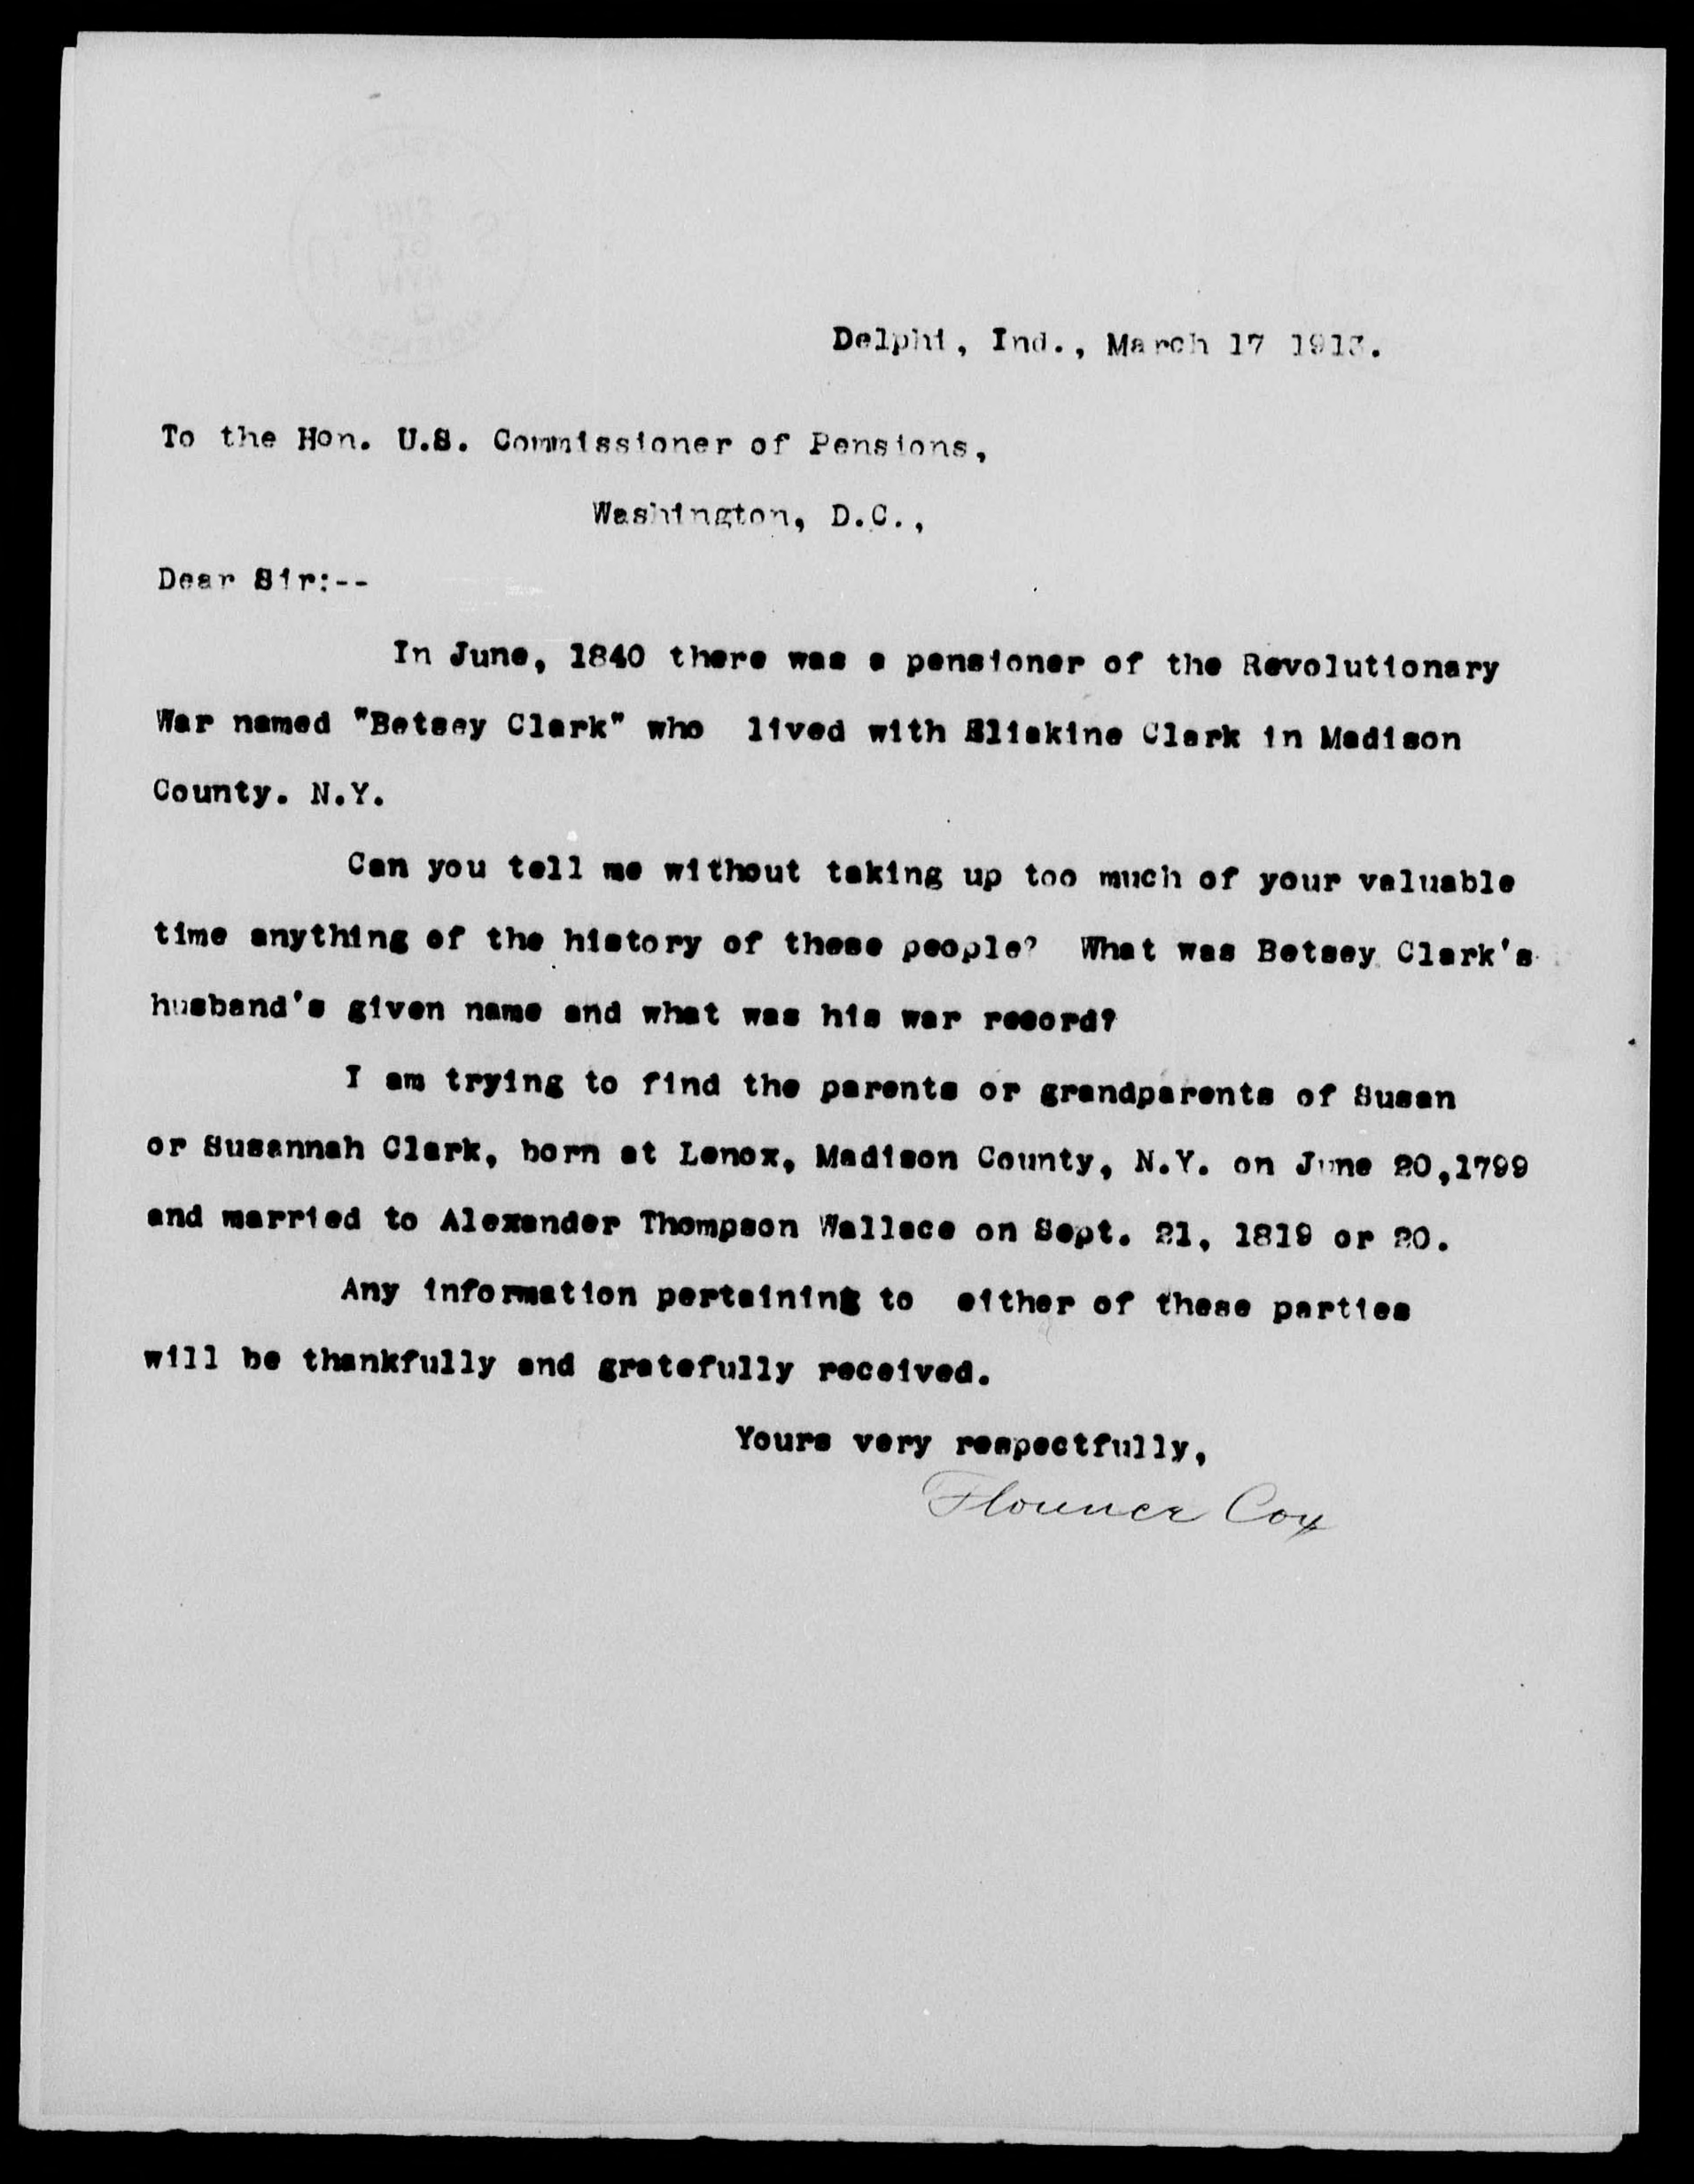[typed]
Delphi, Ind., March 17 1913.

To the Hon. U.S. Commissioner of Pensions,
Washington, D. C., 

Dear Sir:--
In June, 1840 there was a pensioner of the Revolutionary War named “Betsey Clark” who lived with Eliskine Clark in Madison County. N. Y.

Can you tell me without taking up too much of your valuable time anything of the history of these people? What was Betsey Clark’s husband’s given name and what was his war record?

I am trying to find the parents or grandparents of Susan or Susannah Clark, born at Lenox, Madison County, N. Y. on June 20, 1799 and married to Alexander Thompson Wallace on Sept. 21, 1819 or 20. 

Any information pertaining to either of these parties will be thankfully and gratefully received.

Yours very respectfully,
[signed] Florence Cox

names: Florence Cox, Susan Clark, Susannah Clark, Betsey Clark, Eliakine Clark, Betsey Clark, Alexander Thompson Wallace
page: 25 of 51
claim: widow's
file: W. 23816, Oliver Clark, Conn.